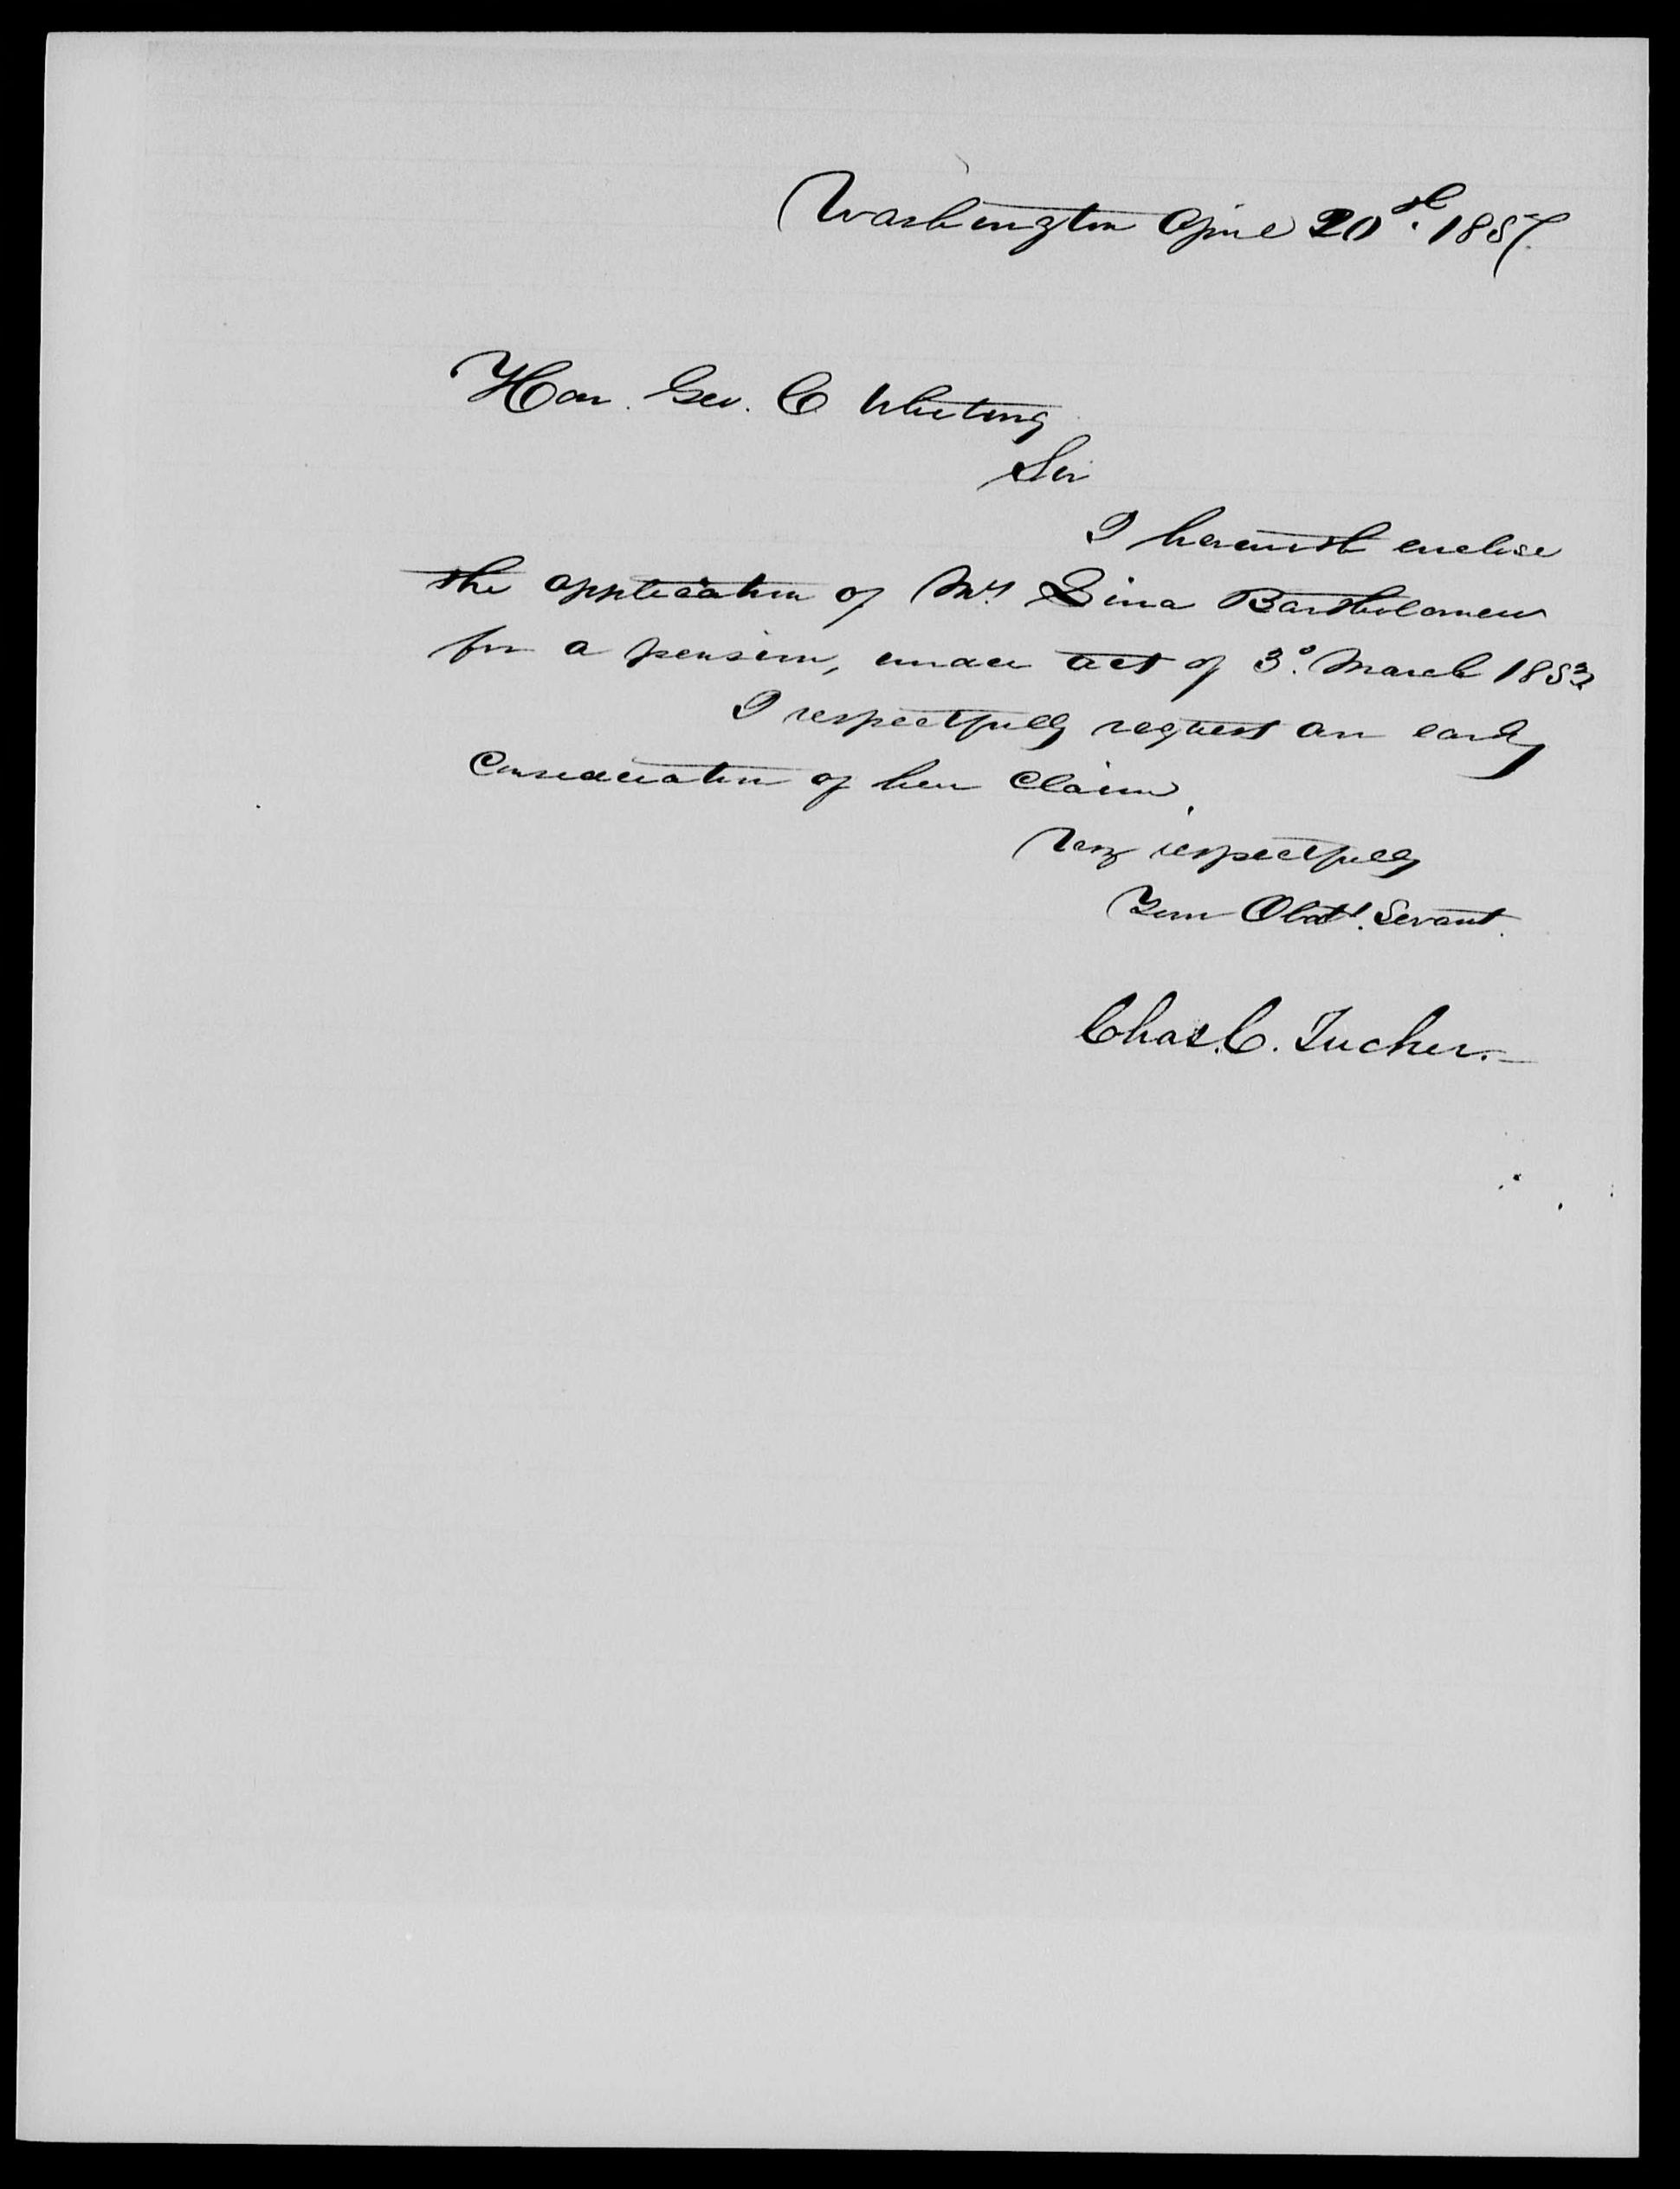Washington April 20th 1857

Hon. Geo. C. Whiting
Sir
I herewith enclose the application of Mrs Sina Bartholomew for a pension, under act of 3 March 1853.

I respectfully request an early consideration of her claim.

Very respectfully
Your Obt'd Servant

Chas. C. Tucker [signature]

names: Chas C Tucker, Sina Bartholomew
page: 29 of 76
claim: widow's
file: W. 9345, Joseph Bartholomew, Conn.